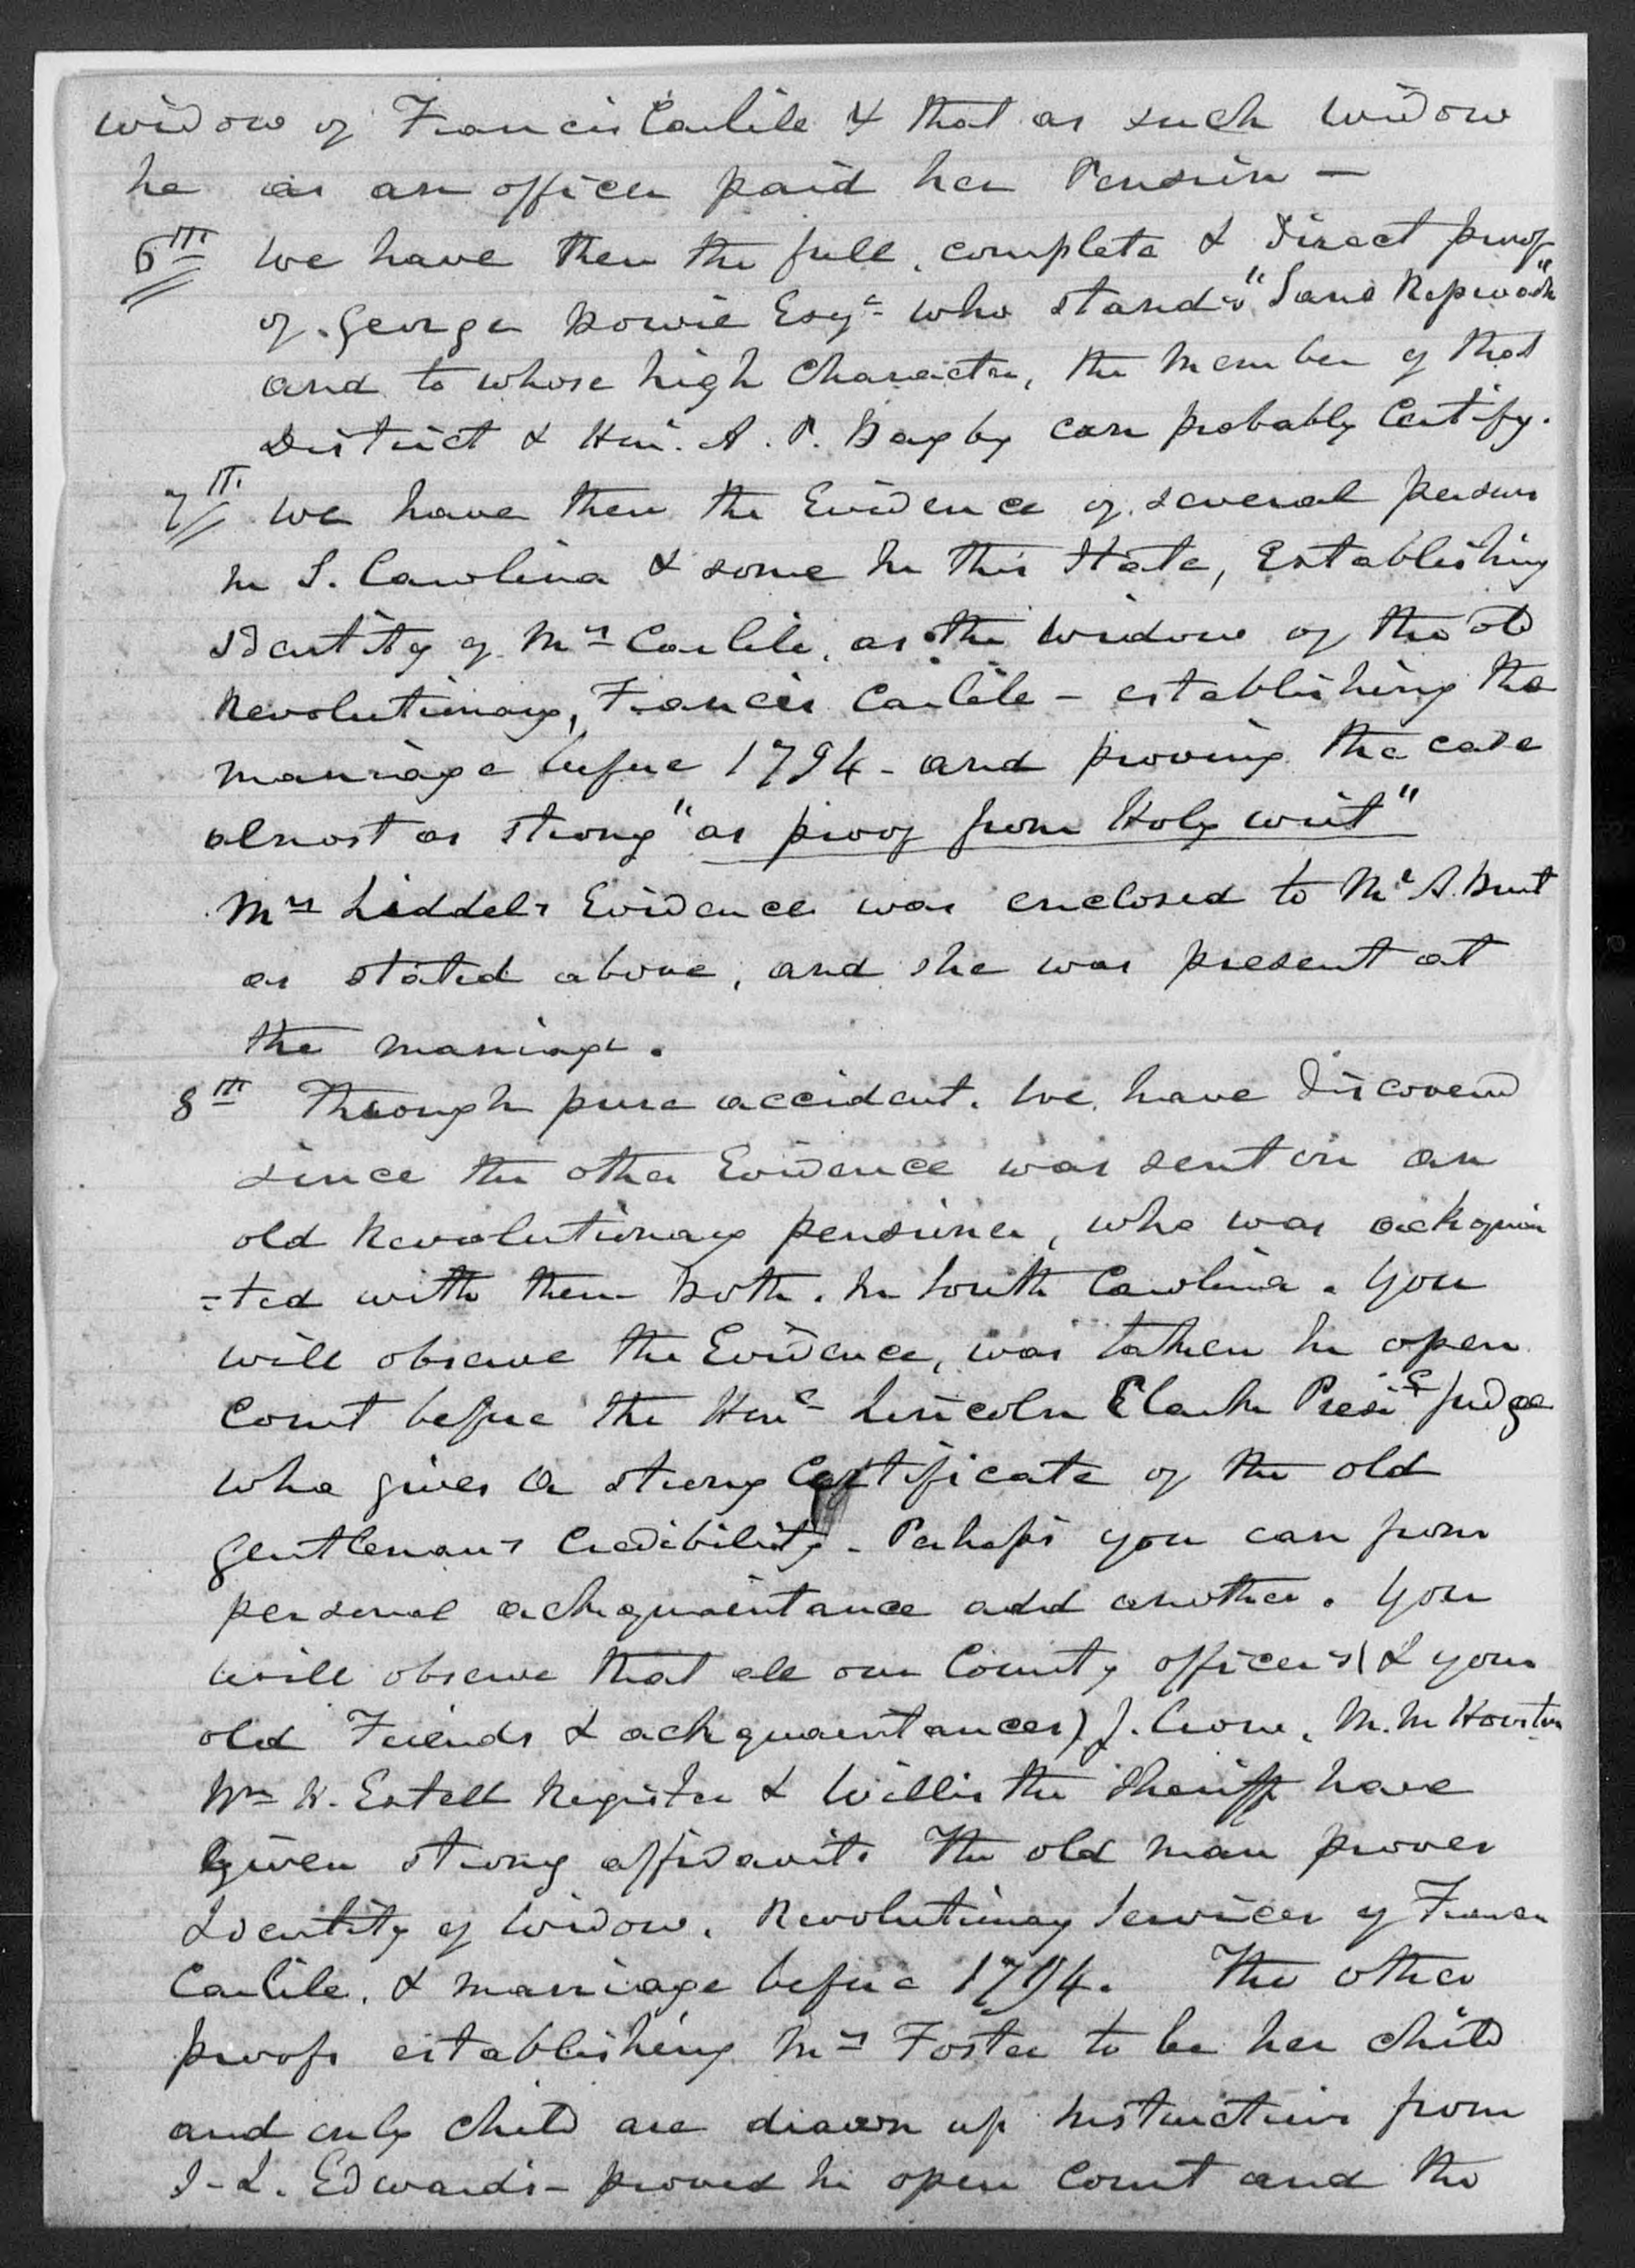widow of Francis Carlisle  & that as such widow  he  as an officer paid her pension. 
6th We have then the full complete & fiscal proof  of George Bowie Esq.  who stands "sans reproach " and to whose high character  the  member of that District  & Hon. A. P Bagby  can probably certify. 
7th . We have then the evidence of several persons  in  S. Carolina  & some in this State, establishing said cert. of Mrs. Carlisle as the widow of the old Revolutionary, Francis Carlisle - establishing the marriage before 1794 and proving the case almost as strong " as proof from Holy Writ ". Mrs. Liddel 's evidence was enclosed to Mr. A. Burt as stated above , and she was present at the marriage. 
8th. Through pure accident  we have discovered since the other evidence was sent in an old  Revolutionary  pensioner who was acquainted with them both, in  South Carolina. You will observe the evidence was taken in open Court  before the Hon. Lincoln Clark  Pres. Judge who gives a  strong certificate of the old gentleman's credibility  - Perhaps you can from personal or  acquaintance   add another. You will observe that all our  County officers  ( & your old friends & acquaintances ) J. Crow, M. M. Houston , Wm H. Estell Registrar & Willis the Sheriff  have given strong affidavits. The old man proves  to identity of widow, Revolutionary services of Francis  Carlisle  & marriage before  1794. The other proofs establishing Mrs. Foster to be her child  and only child are drawn up  per instructions from J.L. Edwards - proved in open Court  and the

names: Francis Carlile, Francis Carlile, J Crow, Francis Carlile, M M Houston, Carlile, Foster, Wm H Estell, J L Edwards, George Bowie, Lincoln Clark, Liddel, A P Bagby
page: 61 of 91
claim: widow's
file: W. 10576, Francis Carlisle, S.C.